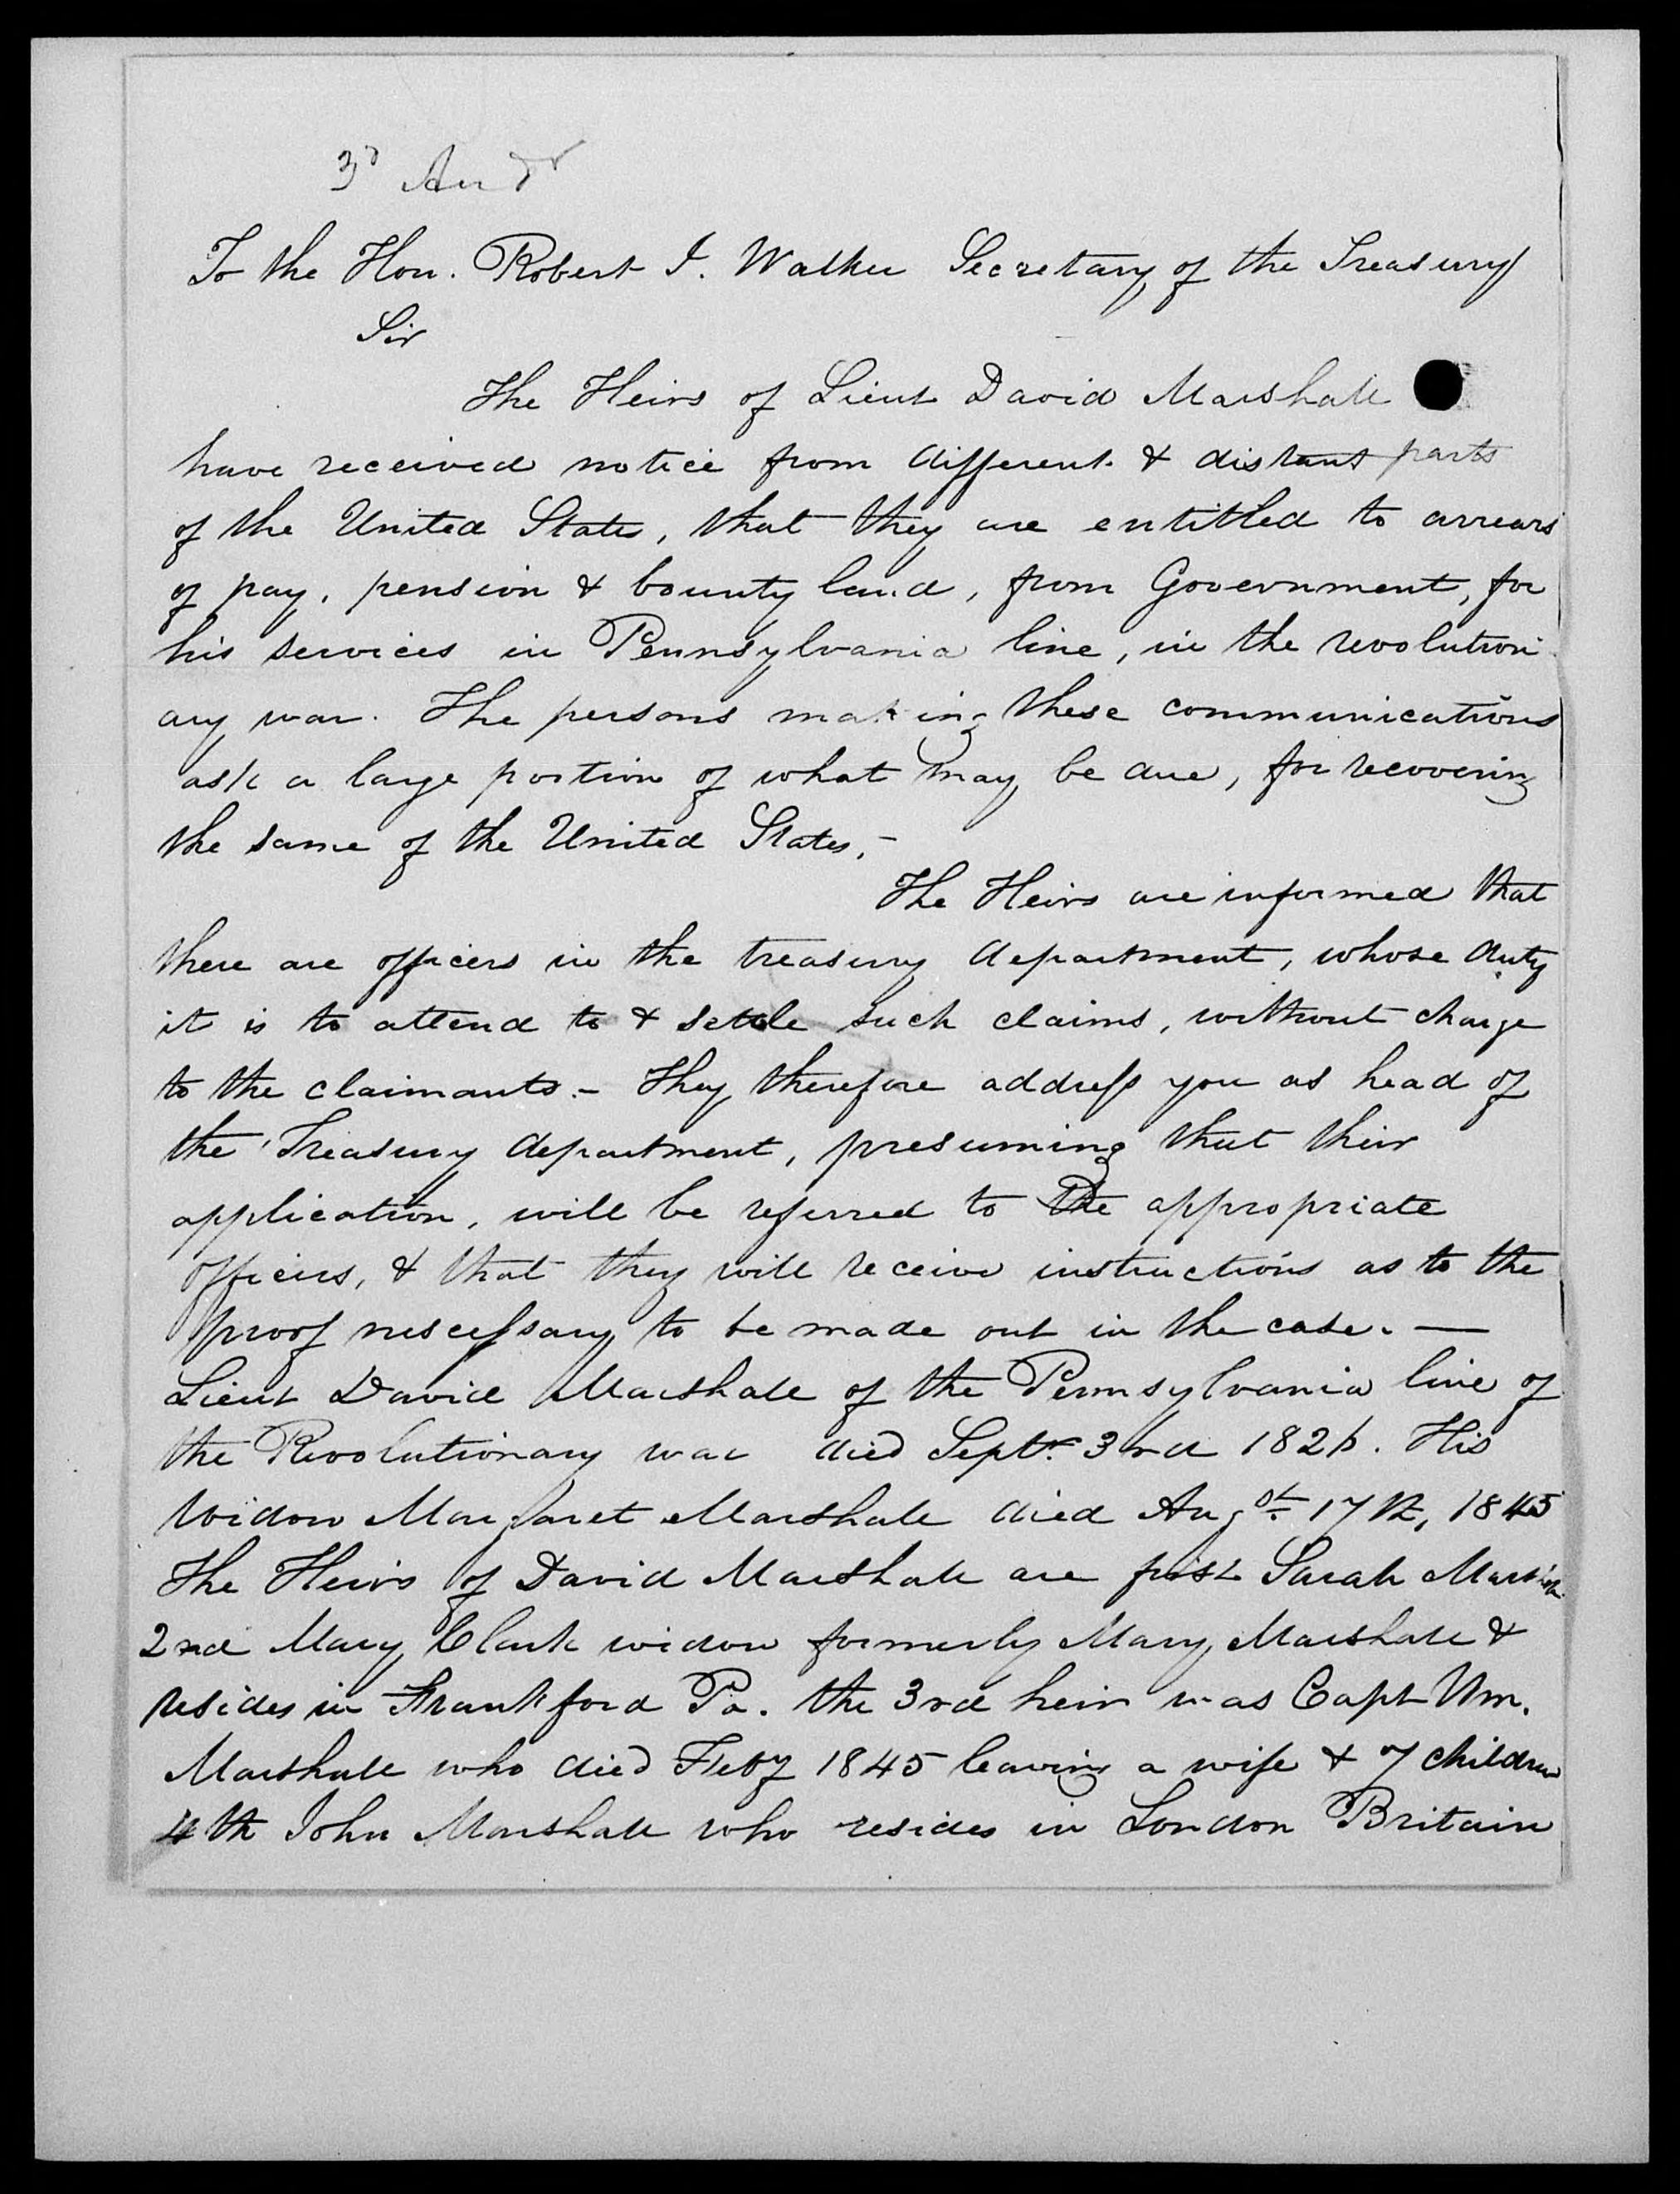3d Aut

To the Hon. Robert J. Walker Secretary of the Treasury

Sir,

The Heirs of Lieut David Marshall have received notice from different & distant parts of the United States that they are entitled to arrears of pay pension & bounty land, from Government, for his services in Pennsylvania line, in the revolutionary war. The persons making these communications ask a [illegible] portion of what may be owe, for recovering the same of the United States.

The Heirs are informed that there are officers in the treasury department, whose auty it is to attend to & settle such claims, without charge to the claimants. They therefore address you as head of the Treasury department, presuming that this application, will be referred to the appropriate officers, & that they will receive instructions as to the proof necessary to be made out in the case. ---- Lieut David Marshall of the Pennsylvania line of the Revolutionary war died Sept 3rd 1826. His widow Margaret Marshall died Aug 17th, 1845. The Heirs of David Marshall are first Sara Marshall 2nd Mary Clark widow formerly Mary Marshall & resides in Frankford PA. the 3rd heir was Capt Wm. Marshall who died Feby 1845 leaving a wife & 7 children 4th John Marshall who resides in London Britain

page: 82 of 86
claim: widow's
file: W. 3571, for David Marshall, Pennsylvania